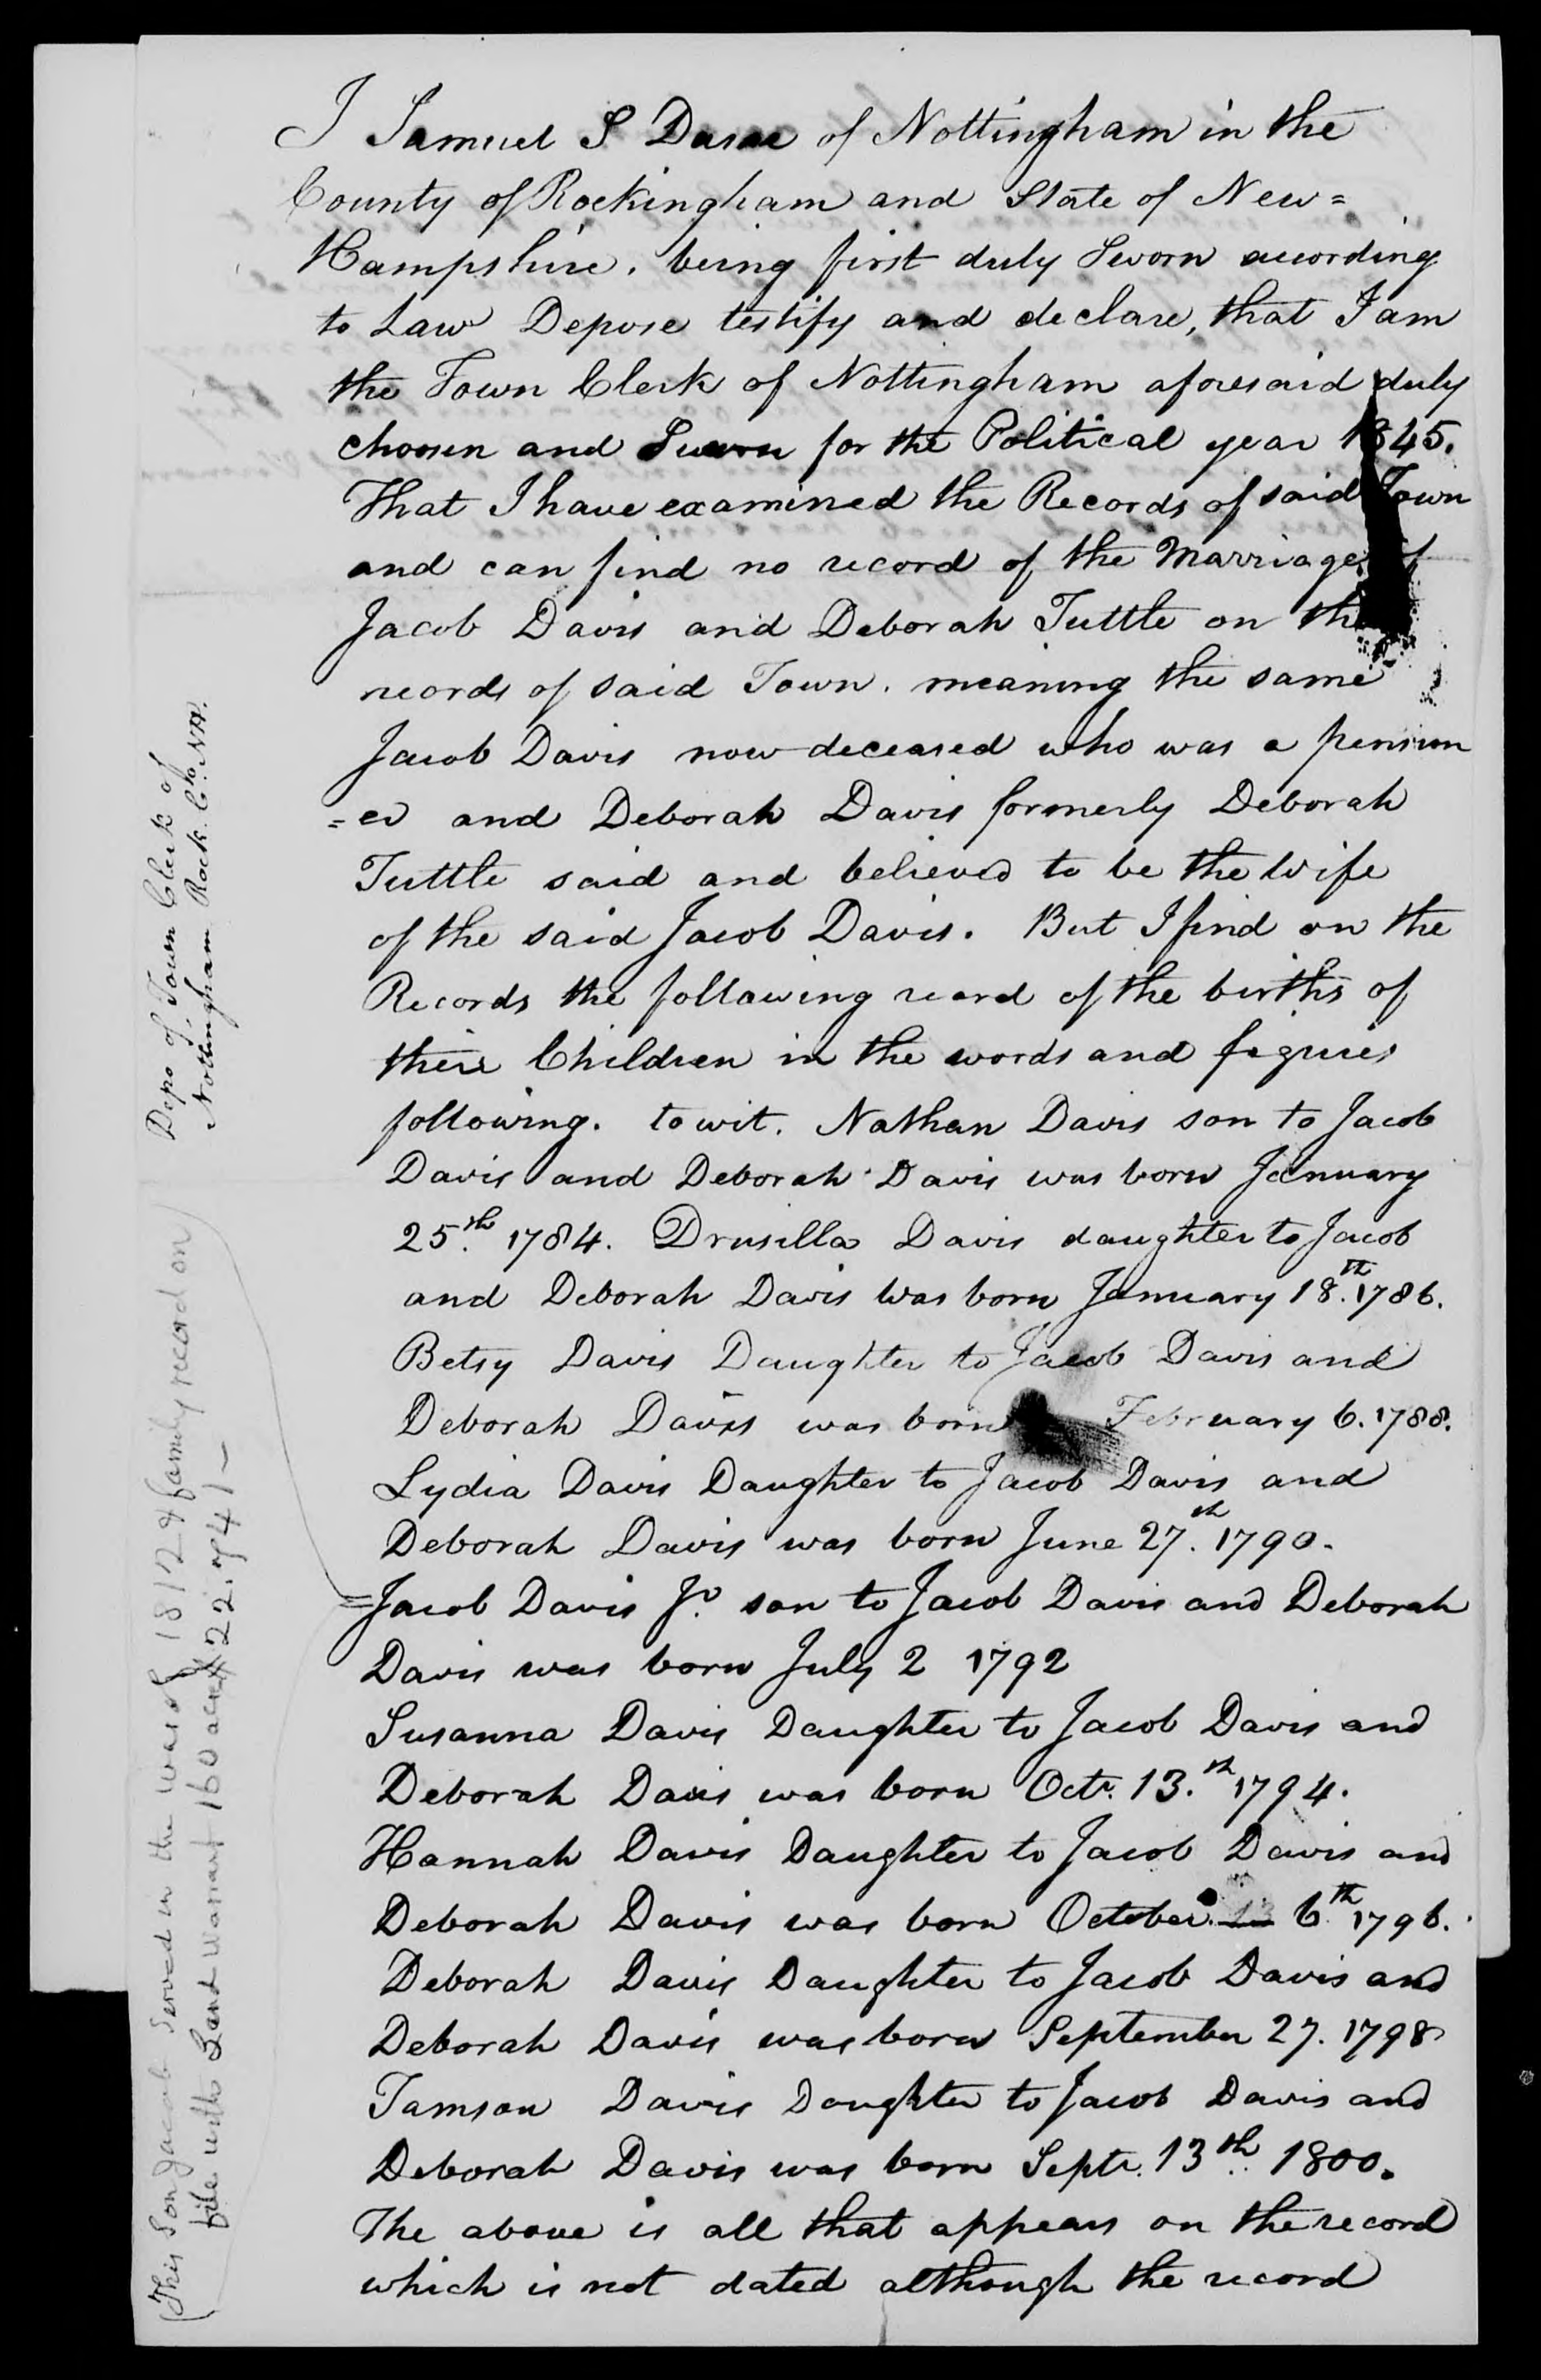[left margin] Depo of Town Clerk of Nottingham Rock. Co. N. H.
I Samuel S Davis of Nottingham in the County of Rockingham and State of New Hampshire, being first duly sworn according to
Law Depose testify and declare, that I am the Town Clerk of Nottingham aforesaid duly chosen and Sworn for the Political year 1845. That I have examined the Records of said Town and can find no record of the Marriage Jacob Davis and Deborah Tuttle on the
records of said Town, meaning the same Jacob Davis now deceased who was a pensioner and Deborah Davis formerly Deborah Tuttle said and believed to be the wife of the said Jacob Davis. But I find on the Records the following record of the births of their Children in the words and figures following, to wit
Nathan Davis son to Jacob Davis and Deborah Davis was born January 25th 1784.
Drusilla Davis daughter to Jacob and Deborah Davis was born January 18th 1786.
Betty Davis Daughter to Jacob Davis and Deborah Davis was born February 6, 1788.
Lydia Davis Daughter to Jacob Davis and Deborah Davis was born June 27th 1790.
Jacob Davis Jr. son to Jacob Davis and Deborah Davis was born July 2 1792. This son Jacob served in the War of 1812 and family record on file with Land Warrant 160 acres #22.741.
Susanna Davis Daughter to Jacob Davis and Deborah Davis was born Octr 13th 1794.
Hannah Davis Daughter to Jacob Davis and Deborah Davis was born October 26th 1796.
Deborah Davis Daughter to Jacob Davis and Deborah Davis was born September 27, 1798.
Tamson Davis Daughter to Jacob Davis and Deborah Davis was born Sept. 13th 1800.
The above is all that appears on the record which is not dated although the record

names: Susanna Davis, Deborah Davis, Hannah Davis, Lydia Davis, Deborah Tuttle, Jacob Davis, Samuel S Davis, Jacob Davis, Nathan Davis, Jacob Davis, Deborah Davis, Betsy Davis, Deborah Davis, Jacob Davis, Jacob Davis, Deborah Davis, Jacob Davis, Jacob Davis, Jacob Davis, Jacob Davis, Deborah Davis, Tamson Davis, Jacob Davis, Jacob Davis, Deborah Davis, Drusilla Davis, Jacob Davis, Deborah Tuttle, Deborah Davis, Jacob Davis, Deborah Davis, Deborah Davis, Deborah Davis, Deborah Davis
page: 9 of 47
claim: widow's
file: W. 24043, Jacob Davis, N.H.